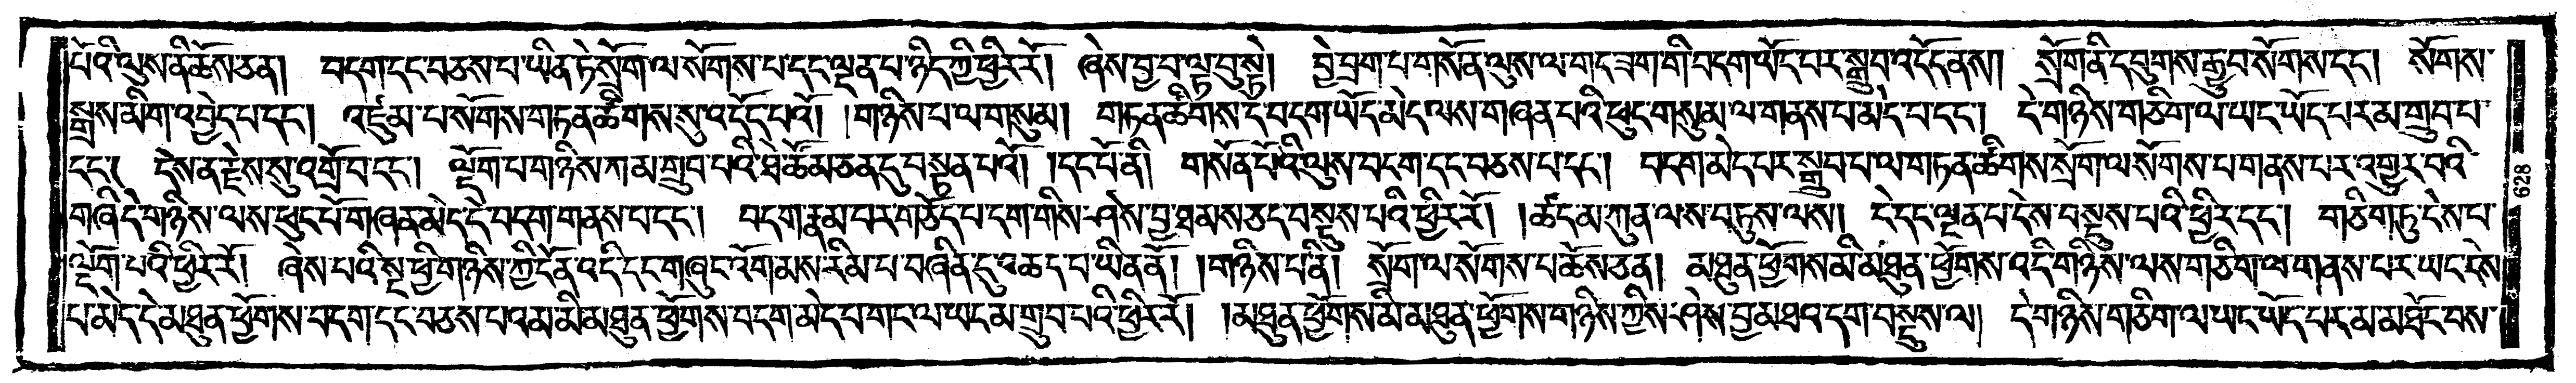པོའི་ལུས་ནི་ཆོས་ཅན། བདག་དང་བཅས་པ་ཡིན་ཏེ་སྲོག་ལ་སོགས་པ་དང་ལྡན་པ་ཉིད་ཀྱི་ཕྱིར་རོ། ཞེས་བྱ་བ་ལྟ་བུ་སྟེ། བྱེ་བྲག་པ་གསོན་ལུས་ལ་གང་ཟག་གི་བདག་ཡོང་བར་སྒྲུབ་འདོད་ནས། སྲོག་ནི་དབུགས་རྒྱུ་བ་སོགས་དང་། སོགས་
སྒྲས་མིག་འབྱེད་པ་དང་། འཛུམ་པ་སོགས་གཏན་ཚིགས་སུ་འདོད་པའོ། །གཉིས་པ་ལ་གསུམ། གཏན་ཚིགས་དེ་བདག་ཡོད་མེད་ལས་གཞན་པའི་ཕུང་གསུམ་ལ་གནས་པ་མེད་པ་དང་། དེ་གཉིས་གཅིག་ལ་ཡང་ཡོད་པར་མ་གྲུབ་པ་
དང༑ དེས་ན་རྗེས་སུ་འགྲོ་བ་དང་། ལྡོག་པ་གཉིས་ཀ་མ་གྲུབ་པའི་ཐེ་ཚོམ་ཅན་དུ་བསྟན་པའོ། །དང་པོ་ནི། གསོན་པོའི་ལུས་བདག་དང་བཅས་པ་དང་། བདག་མེད་པར་སྒྲུབ་པ་ལ་གཏན་ཚིགས་སྲོག་ལ་སོགས་པ་གནས་པར་འགྱུར་པའི་
གཞི་དེ་གཉིས་ལས་ཕུང་པོ་གཞན་མེད་དེ་བདག་གནས་པ་དང་། བདག་རྣམ་པར་གཅོད་པ་དག་གིས་ཤེས་བྱ་ཐམས་ཅད་བསྡུས་པའི་ཕྱིར་རོ། །ཚད་མ་ཀུན་ལས་བཏུས་ལས། དེ་དང་ལྡན་པ་ངེས་བསྡུས་པའི་ཕྱིར་དང་། གཅིག་ཏུ་ངེས་པ་
ལྡོག་པའི་ཕྱིར་རོ། ཞེས་པའི་སྔ་ཕྱི་གཉིས་ཀྱི་དོན་འདི་དང་གཞུང་འོག་མས་རིམ་པ་བཞིན་དུ་འཆད་པ་ཡིན་ནོ། །གཉིས་པ་ནི། སྲོག་ལ་སོགས་པ་ཆོས་ཅན། མཐུན་ཕྱོགས་མི་མཐུན་ཕྱོགས་འདི་གཉིས་ལས་གཅིག་ལ་གནས་པར་ཡང་ངེས་
པ་མེད་དེ་མཐུན་ཕྱོགས་བདག་དང་བཅས་པའམ་མི་མཐུན་ཕྱོགས་བདག་མེད་པ་གང་ལ་ཡང་མ་གྲུབ་པའི་ཕྱིར་རོ། །མཐུན་ཕྱོགས་མི་མཐུན་ཕྱོགས་གཉིས་ཀྱིས་ཤེས་བྱ་མཐའ་དག་བསྡུས་ལ། དེ་གཉིས་གཅིག་ལ་ཡང་ཡོད་པར་མ་མཐོང་བས་